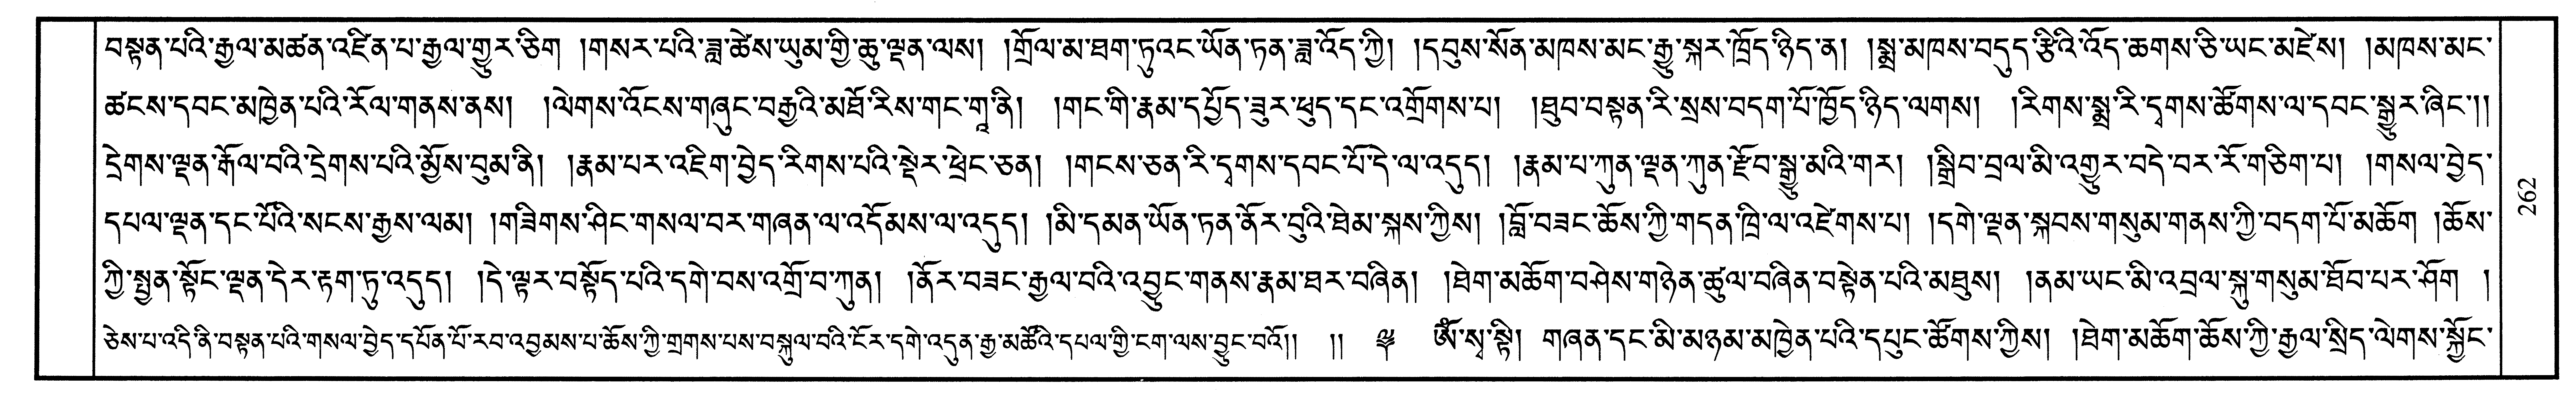བསྟན་པའི་རྒྱལ་མཚན་འཛིན་པ་རྒྱལ་གྱུར་ཅིག །གསར་པའི་ཟླ་ཚེས་ཡུམ་གྱི་ཆུ་ལྡན་ལས། །གྲོལ་མ་ཐག་ཏུའང་ཡོན་ཏན་ཟླ་འོད་ཀྱི། །དབུས་སོན་མཁས་མང་རྒྱུ་སྐར་ཁྲོད་ཉིད་ན། །སྨྲ་མཁས་བདུད་རྩིའི་འོད་ཆགས་ཅི་ཡང་མཛེས། །མཁས་མང་
ཚངས་དབང་མཁྱེན་པའི་རོལ་གནས་ནས། །ལེགས་འོངས་གཞུང་བརྒྱའི་མཐོ་རིས་གང་གཱ་ནི། །གང་གི་རྣམ་དཔྱོད་ཟུར་ཕུད་དང་འགྲོགས་པ། །ཐུབ་བསྟན་རི་སྲས་བདག་པོ་ཁྱོད་ཉིད་ལགས། །རིགས་སྨྲ་རི་དྭགས་ཚོགས་ལ་དབང་སྒྱུར་ཞིང།།
དྲེགས་ལྡན་རྒོལ་བའི་དྲེགས་པའི་མྱོས་བུམ་ནི། །རྣམ་པར་འཇིག་བྱེད་རིགས་པའི་སྡེར་ཕྲེང་ཅན། །གངས་ཅན་རི་དྭགས་དབང་པོ་དེ་ལ་འདུད། །རྣམ་པ་ཀུན་ལྡན་ཀུན་རྫོབ་སྒྱུ་མའི་གར། །སྒྲིབ་བྲལ་མི་འགྱུར་བདེ་བར་རོ་གཅིག་པ། །གསལ་བྱེད་
དཔལ་ལྡན་དང་པོའི་སངས་རྒྱས་ལམ། །གཟིགས་ཤིང་གསལ་བར་གཞན་ལ་འདོམས་ལ་འདུད། །མི་དམན་ཡོན་ཏན་ནོར་བུའི་ཐེམ་སྐས་ཀྱིས། །བློ་བཟང་ཆོས་ཀྱི་གདན་ཁྲི་ལ་འཛེགས་པ། །དགེ་ལྡན་སྐབས་གསུམ་གནས་ཀྱི་བདག་པོ་མཆོག །ཆོས་
ཀྱི་སྤྱན་སྟོང་ལྡན་དེར་རྟག་ཏུ་འདུད། །དེ་ལྟར་བསྟོད་པའི་དགེ་བས་འགྲོ་བ་ཀུན། །ནོར་བཟང་རྒྱལ་བའི་འབྱུང་གནས་རྣམ་ཐར་བཞིན། །ཐེག་མཆོག་བཤེས་གཉེན་ཚུལ་བཞིན་བསྟེན་པའི་མཐུས། །ནམ་ཡང་མི་འབྲལ་སྐུ་གསུམ་ཐོབ་པར་ཤོག།
ཅེས་པ་འདི་ནི་བསྟན་པའི་གསལ་བྱེད་དཔོན་པོ་རབ་འབྱམས་པ་ཆོས་ཀྱི་གྲགས་པས་བསྐུལ་བའི་ངོར་དགེ་འདུན་རྒྱ་མཚོའི་དཔལ་གྱི་ངག་ལས་བྱུང་བའོ།། །། ༈ ཨོཾ་སྭ་སྟི། གཞན་དང་མི་མཉམ་མཁྱེན་པའི་དཔུང་ཚོགས་ཀྱིས། །ཐེག་མཆོག་ཆོས་ཀྱི་རྒྱལ་སྲིད་ལེགས་སྐྱོང་